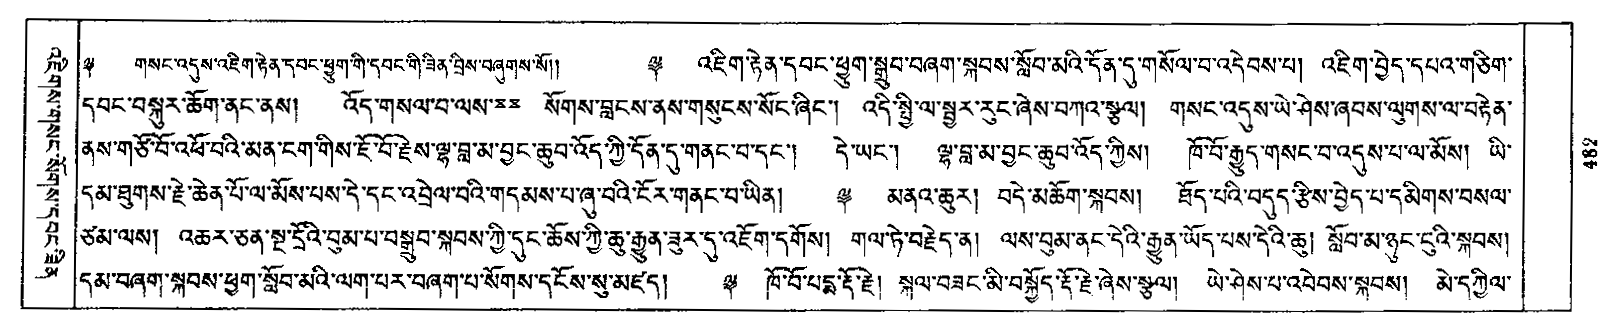༈ གསང་འདུས་འཇིག་རྟེན་དབང་ཕྱུག་གི་དབང་གི་ཟིན་བྲིས་བཞུགས་སོ།། ༈ འཇིག་རྟེན་དབང་ཕྱུག་སྒྲུབ་བཞག་སྐབས་སློབ་མའི་དོན་དུ་གསོལ་བ་འདེབས་པ། འཇིག་བྱེད་དཔའ་གཅིག་
དབང་བསྐུར་ཆོག་ནང་ནས། འོད་གསལ་བ་ལས་྾྾་སོགས་བླངས་ནས་གསུངས་སོང་ཞིང་། འདི་སྤྱི་ལ་སྦྱར་རུང་ཞེས་བཀའ་སྩལ། གསང་འདུས་ཡེ་ཤེས་ཞབས་ལུགས་ལ་བརྟེན་
ནས་གཙོ་བོ་འཕོ་བའི་མན་ངག་གིས་ཇོ་བོ་རྗེས་ལྷ་བླ་མ་བྱང་ཆུབ་འོད་ཀྱི་དོན་དུ་གནང་བ་དང་། དེ་ཡང་། ལྷ་བླ་མ་བྱང་ཆུབ་འོད་ཀྱིས། ཁོ་བོ་རྒྱུད་གསང་བ་འདུས་པ་ལ་མོས། ཡི་
དམ་ཐུགས་རྗེ་ཆེན་པོ་ལ་མོས་པས་དེ་དང་འབྲེལ་བའི་གདམས་པ་ཞུ་བའི་ངོར་གནང་བ་ཡིན། ༈ མནའ་ཆུར། བདེ་མཆོག་སྐབས། ཐོད་པའི་བདུད་རྩིས་བྱེད་པ་དམིགས་བསལ་
ཙམ་ལས། འཆར་ཅན་སྔ་དྲོའི་བུམ་པ་བསྒྲུབ་སྐབས་ཀྱི་དུང་ཆོས་ཀྱི་ཆུ་རྒྱུན་ཟུར་དུ་འཇོག་དགོས། གལ་ཏེ་བརྗེད་ན། ལས་བུམ་ནང་དེའི་རྒྱུན་ཡོད་པས་དེའི་ཆུ། སློབ་མ་ཉུང་ངུའི་སྐབས།
དམ་བཞག་སྐབས་ཕྱག་སློབ་མའི་ལག་པར་བཞག་པ་སོགས་དངོས་སུ་མཛད། ༈ ཁོ་བོ་པདམ་རྡོ་རྗེ། སྐལ་བཟང་མི་བསྐྱོད་རྡོ་རྗེ་ཞེས་སྩལ། ཡེ་ཤེས་པ་འབེབས་སྐབས། མེ་དཀྱིལ་